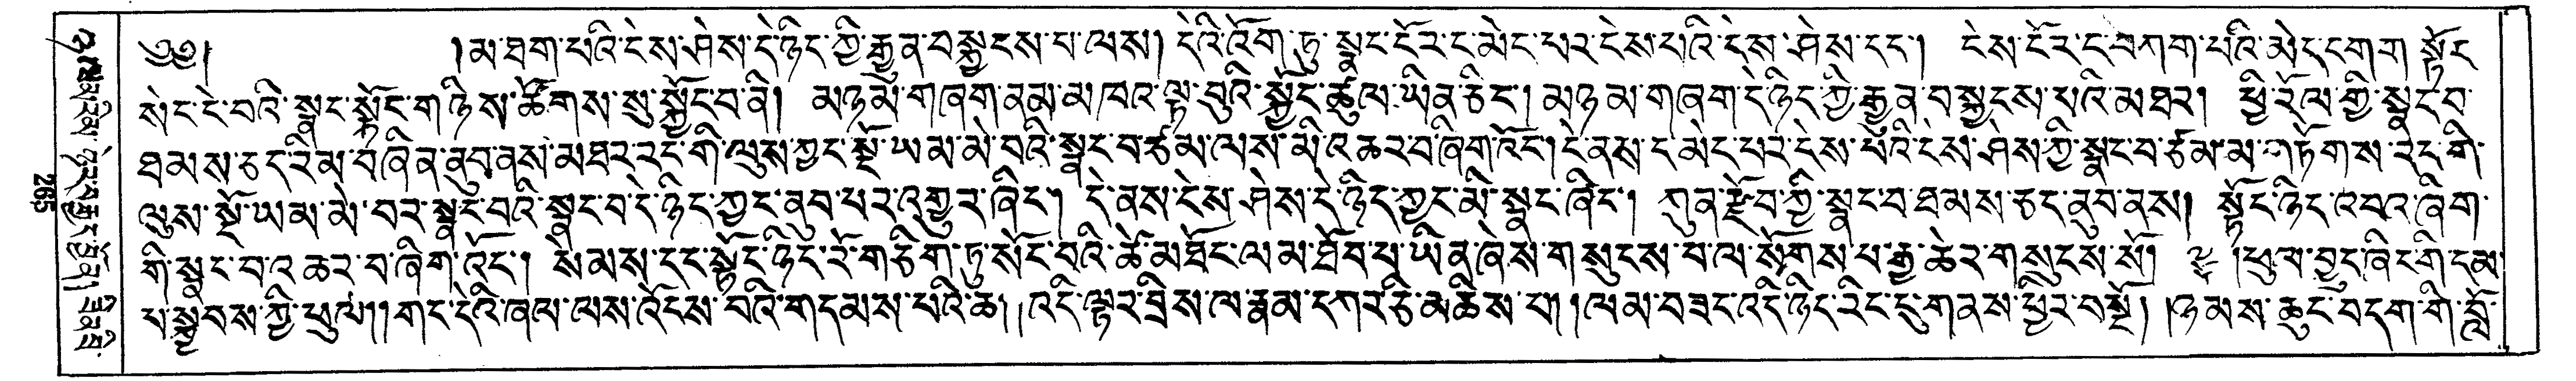༄༅། །མ་ཐག་པའི་ངེས་ཤེས་དེ་ཉིད་ཀྱི་རྒྱུན་བསྐྱངས་པ་ལས། དེའི་འོག་ཏུ་སྣང་ངོར་ང་མེད་པར་ངེས་པའི་ངེས་ཤེས་དང་། ངེས་ངོར་ང་བཀག་པའི་མེད་དགག་སྟོང་
སེང་ངེ་བའི་སྣང་སྟོང་གཉིས་ཚོགས་སུ་སྐྱོང་བ་ནི། མཉམ་གཞག་ནམ་མཁའ་ལྟ་བུའི་སྐྱོང་ཚུལ་ཡིན་ཅིང་། མཉམ་གཞག་དེ་ཉིད་ཀྱི་རྒྱུན་བསྐྱངས་པའི་མཐར། ཕྱི་རོལ་གྱི་སྣང་བ་
ཐམས་ཅད་རིམ་བཞིན་ནུབ་ནས་མཐར་རང་གི་ལུས་ཀྱང་སྔོ་ཡམ་མེ་བའི་སྣང་བ་ཙམ་ལས་མི་འཆར་བ་ཞིག་འོང་། དེ་ནས་ང་མེད་པར་ངེས་པའི་ངེས་ཤེས་ཀྱི་སྣང་བ་ཙམ་མ་གཏོགས་རང་གི་
ལུས་སྔོ་ཡམ་མེ་བར་སྣང་བའི་སྣང་བ་དེ་ཉིད་ཀྱང་ནུབ་པར་འགྱུར་ཞིང་། དེ་ནས་ངེས་ཤེས་དེ་ཉིད་ཀྱང་མི་སྣང་ཞིང་། ཀུན་རྫོབ་ཀྱི་སྣང་བ་ཐམས་ཅད་ནུབ་ནས། སྟོང་ཉིད་འབའ་ཞིག་
གི་སྣང་བ་འཆར་བ་ཞིག་འོང་། སེམས་དང་སྟོང་ཉིད་རོ་གཅིག་ཏུ་སོང་བའི་ཚེ་མཐོང་ལམ་ཐོབ་པ་ཡིན་ཞེས་གསུངས་པ་ལ་སོགས་པ་རྒྱ་ཆེར་གསུངས་སོ། ༈ །ཕུལ་བྱུང་ཞིང་གི་དམ་
པ་སྐྱབས་ཀྱི་ཕུལ། །གང་དེའི་ཞལ་ལས་འོངས་པའི་གདམས་པའི་ཆ། །འདི་ལྟར་བྲིས་ལ་རྣམ་དཀར་ཅི་མཆིས་པ། །ལམ་བཟང་འདི་ཉིད་རིང་དུ་གནས་ཕྱིར་བསྔོ། །ཉམས་ཆུང་བདག་གི་བློ་